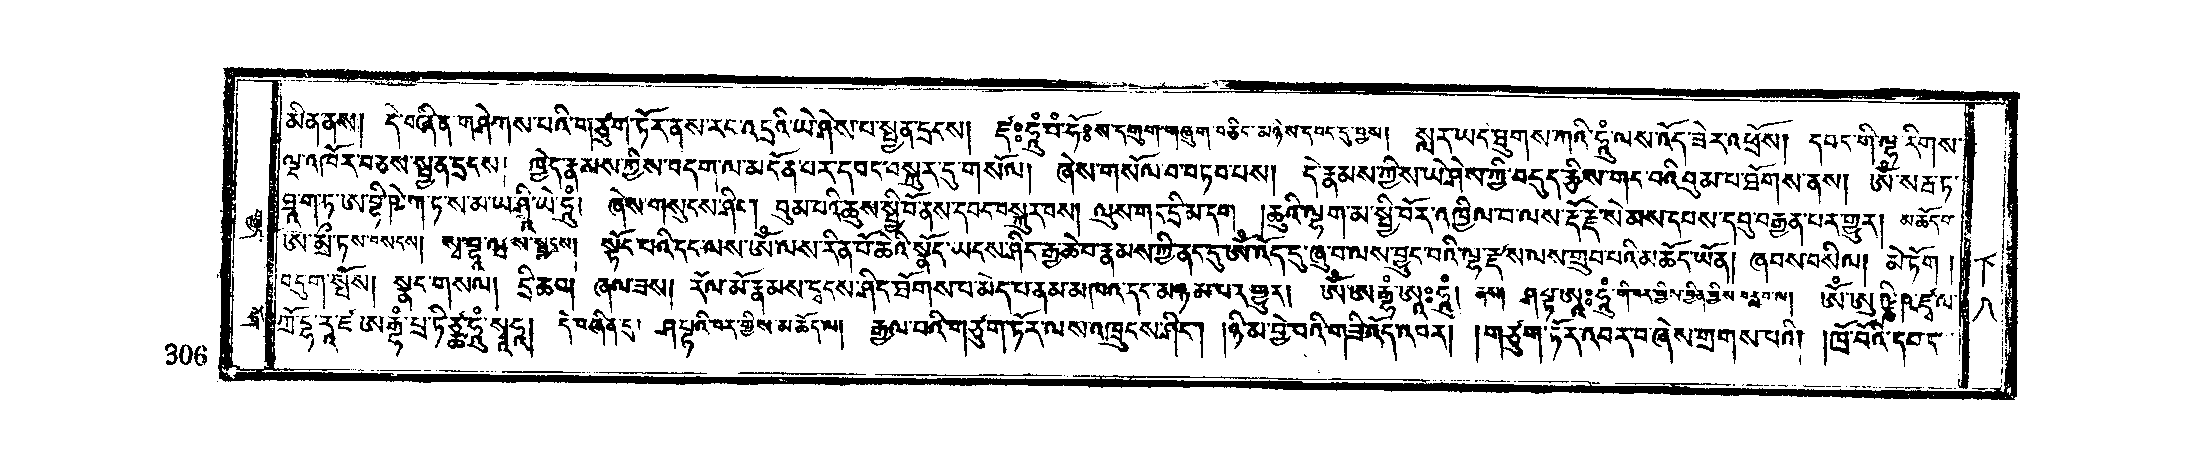མིན་ནས། དེ་བཞིན་གཤེགས་པའི་གཙུག་ཏོར་ནས་རང་འདྲའི་ཡེ་ཤེས་པ་སྤྱན་དྲངས། ཛཿ ཧཱུཾ་བཾ་ཧོཿ ས་དགུག་གཞུག་བཅིང་མཉིས་དབང་དུ་བྱས། སླར་ཡང་ཐུགས་ཀའི་ཧཱུཾ་ལས་འོད་ཟེར་འཕྲོས། དབང་གི་ལྷ་རིགས་
ལྔ་འཁོར་བཅས་སྤྱན་དྲངས། ཁྱེད་རྣམས་ཀྱིས་བདག་ལ་མངོན་པར་དབང་བསྐུར་དུ་གསོལ། ཞེས་གསོལ་བ་བཏབ་པས། དེ་རྣམས་ཀྱིས་ཡེ་ཤེས་ཀྱི་བདུད་རྩིས་གང་བའི་བུམ་པ་ཐོགས་ནས། ཨོཾ་སརྦ་ཏ་
ཐཱ་ག་ཏ་ཨ་བྷི་ཥེ་ཀ་ཏ་ས་མ་ཡ་ཤྲཱི་ཡེ་ཧཱུཾ། ཞེས་གསུངས་ཤིང་། བུམ་པའི་ཆུས་སྤྱི་བོ་ནས་དབང་བསྐུར་བས། ལུས་གང་དྲི་མ་དག །ཆུའི་ལྷག་མ་སྤྱི་བོར་འཁྱིལ་བ་ལས་རྡོ་རྗེ་སེམས་དཔས་དབུ་བརྒྱན་པར་གྱུར། མཆོད་པ་
ཨ་མྲྀ་ཏས་བསངས། སྭ་བྷཱ་ཝས་སྦྱངས། སྟོང་པའི་ངང་ལས་ཨོཾ་ལས་རིན་པོ་ཆེའི་སྣོད་ཡངས་ཤིང་རྒྱ་ཆེ་བ་རྣམས་ཀྱི་ནང་དུ་ཨོཾ་འོད་དུ་ཞུ་བ་ལས་བྱུང་བའི་ལྷ་རྫས་ལས་གྲུབ་པའི་མཆོད་ཡོན། ཞབས་བསིལ། མེ་ཏོག །
བདུག་སྤོས། སྣང་གསལ། དྲི་ཆབ། ཞལ་ཟས། རོལ་མོ་རྣམས་དྭངས་ཤིང་ཐོགས་པ་མེད་པ་ནམ་མཁའ་དང་མཉམ་པར་གྱུར། ཨོཾ་ཨརྒྷཾ་ཨཱཿ ཧཱུཾ། ནས། ཤཔྟ་ཨཱཿ ཧཱུཾ་གི་བར་གྱིས་བྱིན་གྱིས་བརླབ་ལ། ཨོཾ་ཨུཥྞི་ཥ་ཛྭ་ལ་
ཀྲོ་དྷ་རཱ་ཛ་ཨརྒྷཾ་པྲ་ཏི་ཙྪ་ཧཱུཾ་སྭཱཧཱ། དེ་བཞིན་དུ། ཤཔྟའི་བར་གྱིས་མཆོད་ལ། རྒྱལ་བའི་གཙུག་ཏོར་ལས་འཁྲུངས་ཤིང་། །ཉི་མ་བྱེ་བའི་གཟི་འོད་འབར། །གཙུག་ཏོར་འབར་བ་ཞེས་གྲགས་པའི། །ཁྲོ་བོའི་དབང་